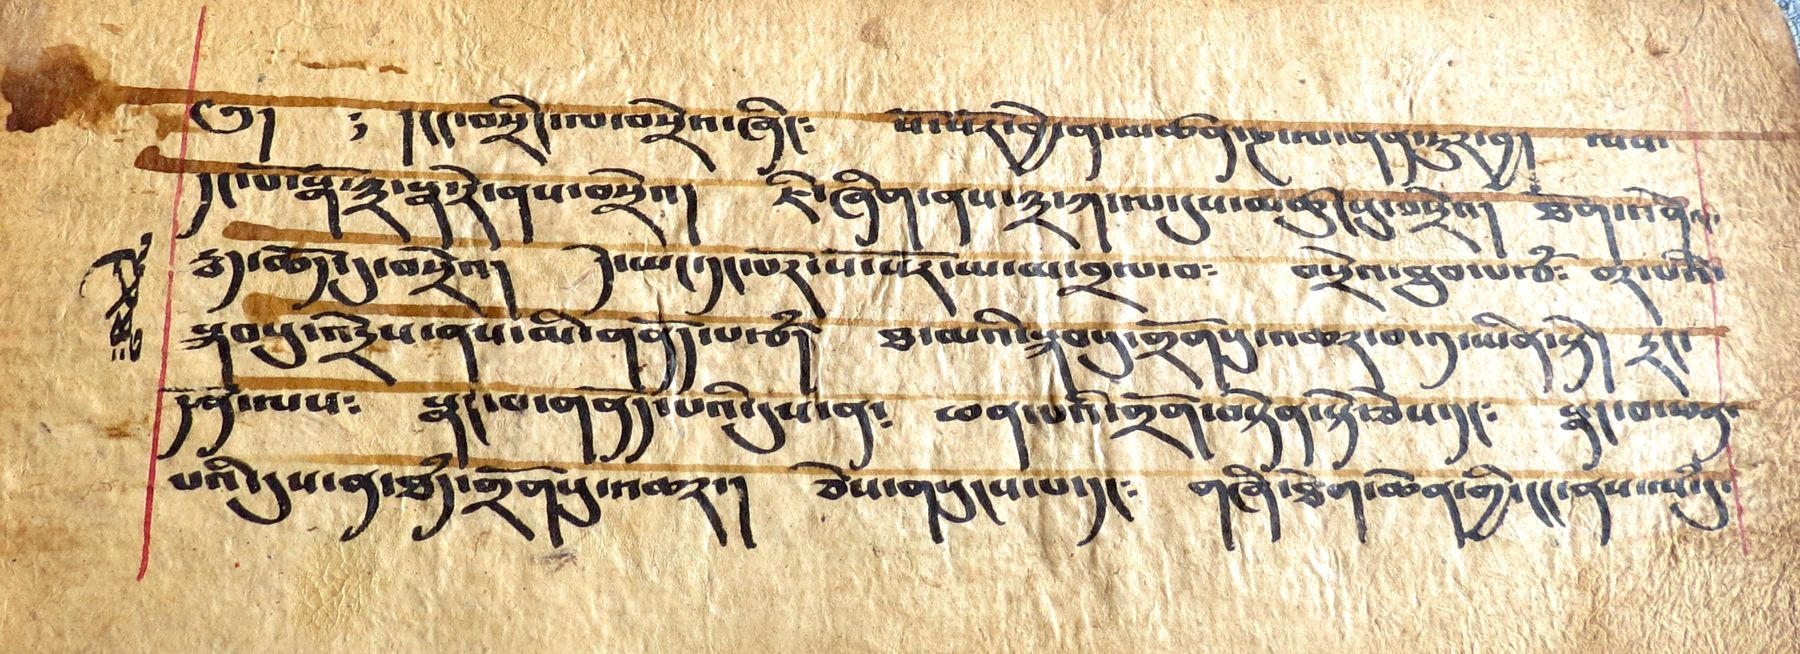ངང་བསྲིང་ལ་བསྲེ་ཞིང་སོ་སོ་ཕྱེ་ནས་མཚན་མེད་ལ་ནན་ཏུར་བྱ། ལས་
དང་པོ་སྒོ་གསུམ་སྣ་རེ་ནས་བསྲེ། ཇི་ཞིག་ནས་གསུམ་ཀ་ལ་དུས་མཚུངས་སུ་བསྲེ། ཐོག་འགེལ་
རྦད་ཆོད་དུ་བསྲེ། དེ་ཡང་དང་པོར་སོ་སོར་ཡ་མ་བྲལ་བ། བསྲེ་ཐུབ་པ་ཙམ། བར་པའི་
སྐབས་སུ་འདྲེས་ནས་མི་གནོད་པ་ཙམ། ཐ་མའི་སྐབས་སུ་གྲོགས་སུ་འཆར་བ་ཞིག་ཡིན་ཏེ། དྲང་
དོན་ལས། སྣང་བ་གནོད་པའི་དུས་སུ་ཕན་པའི་གྲོགས་བསྟེན། ཞེས་དང་། སྣང་བ་ཕན་
པའི་དུས་ན་ཐམས་ཅད་གྲོགས་སུ་འཆར། ཅེས་གསུངས་པས། གཞི་ཐེག་ཆེན་གྱི་ངང་ནས་ལམ་དུ་